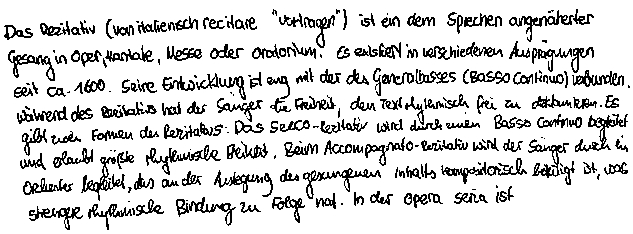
Das Rezitativ (von italienisch recitare "vortragen") ist ein dem Sprechen angenäherter
Gesang in Oper, Kantate, Messe oder Oratorium. Es existiert in verschiedenen Ausprägungen
seit ca. 1600 Seine Entwicklung ist eng mit der des Generalbasses (Basso Continuo) verbunden.
Während des Generalbasses hat der Sänger die Freiheit, den Text rhythmisch frei zu deklamieren. Es
gibt zwei Formen des Rezitativs Das Secco-Rezitativ wird durch einen Basso Continuo begleitet
und erlaubt rhythmische Freiheit. Beim Accompagnato-Rezitativ wird der Sänger durch ein
Orchester begleitet das an der Auslegung des gesungenen Inhalts kompositorisch beteiligt ist, was
strengere rhythmische Bindung zur Folge hat. in der Opera seria ist
